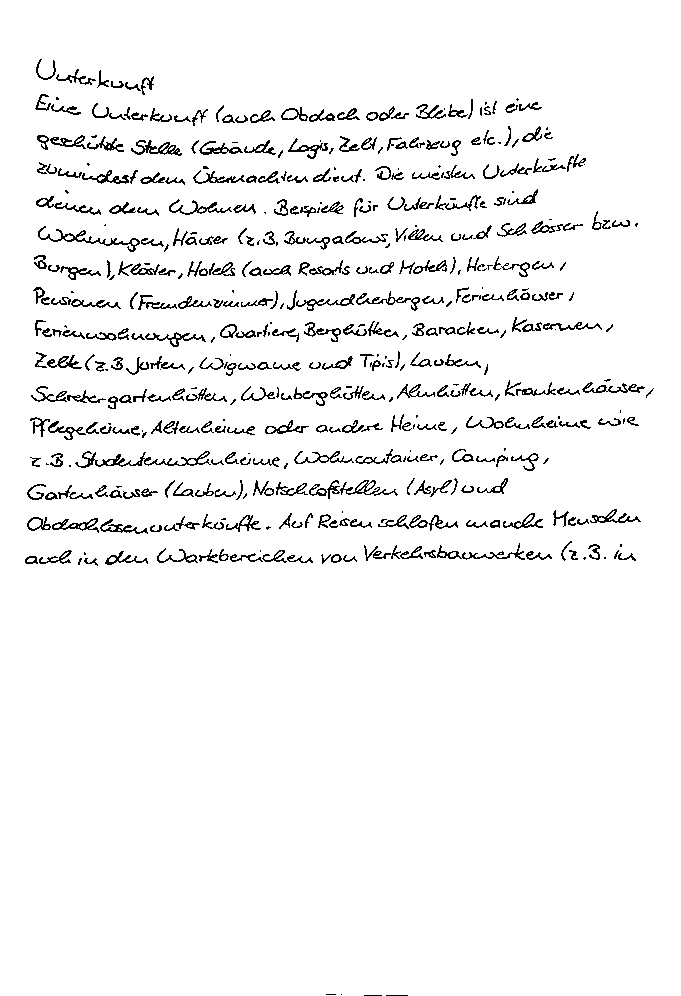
Unterkunft
Eine Unterkunft (auch Obdach oder Bleibe) ist eine
geschützte Stelle (Gebäude, Logis, Zelt, Fahrzeug etc.), die
zumindest dem Übernachten dient. Die meisten Unterkünfte
dienen dem Wohnen. Beispiele für Unterkünfte sind
Wohnungen, Häuser (z. B. Bungalows, Villen und Schlösser bzw.
Burgen), Klöster, Hotels (auch Resorts und Motels), Herbergen,
Pensionen (Fremdenzimmer), Jugendherbergen, Ferienhäuser,
Ferienwohnungen, Quartiere, Berghütten, Baracken, Kasernen,
Zelte (z. B. Jurten, Wigwame und Tipis), Lauben,
Schrebergartenhütten, Weinberghütten, Almhütten, Krankenhäuser,
Pflegeheime, Altenheime oder andere Heime, Wohnheime wie
z. B. Studentenwohnheime, Wohncontainer, Camping,
Gartenhäuser (Lauben), Notschlafstellen (Asyl) und
Obdachlosenunterkünfte. Auf Reisen schlafen manche Menschen
auch in den Wartebereichen von Verkehrsbauwerken (z. B. in
